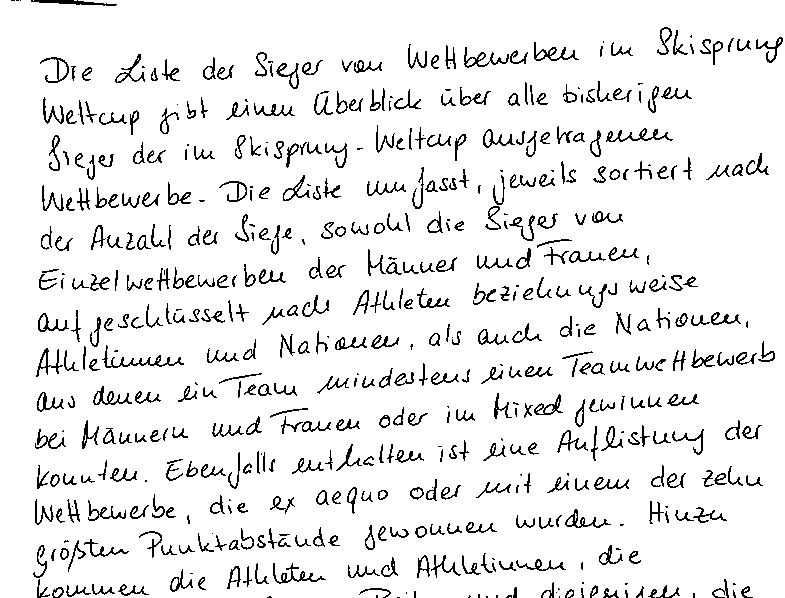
Die Liste der Sieger von Wettbewerben im Skisprung
Weltcup gibt einen Überblick über alle bisherigen
Sieger der im Skisprung-Weltcup ausgetragenen
Wettbewerbe. Die Liste umfasst, jeweils sortiert nach
der Anzahl der Siege, sowohl die Sieger von
Einzelwettbewerben der Männer und Frauen,
aufgeschlüsselt nach Athleten beziehungsweise
Athletinnen und Nationen, als auch die Nationen,
aus denen ein Team mindestens einen Teamwettbewerb
bei Männern und Frauen oder im Mixed gewinnen
konnten. Ebenfalls enthalten ist eine Auflistung der
Wettbewerbe, die ex aequo oder mit einem der zehn
größten Punktabstände gewonnen wurden. Hinzu
kommen die Athleten und Athletinnen, die
